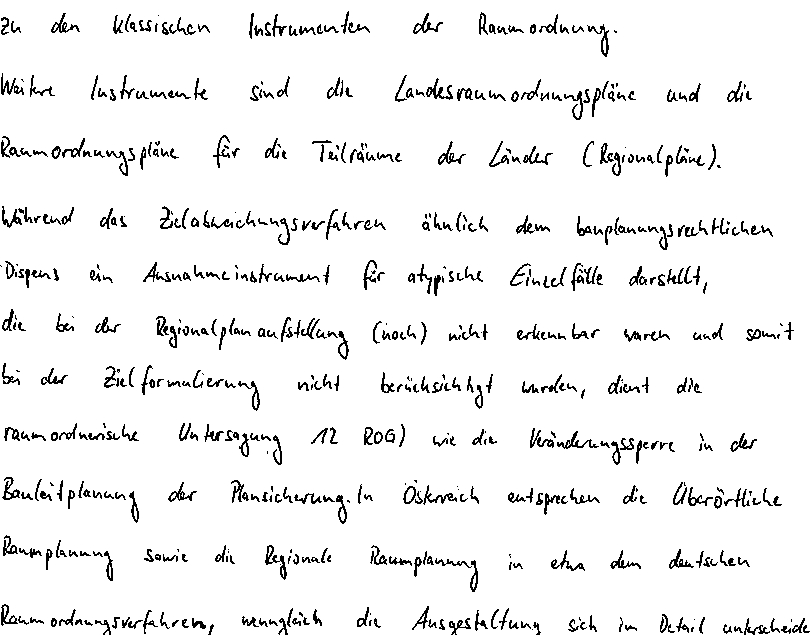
zu den klassischen Instrumenten der Raumordnung.
Weitere Instrumente sind die Landsraumordnungspläne und die
Raumordnungspläne für die Teilräume der Länder (Regionalpläne).
Während das Zielabweichungsverfahren ähnlich dem bauplanungsrechtlichen
Dispens ein Ausnahmeinstrument für atypische Einzelfälle darstellt,
die bei der Regionalplanaufstellung (noch) nicht erkennbar waren und somit
bei der Zielformulierung nicht berücheichtigt wurden, dient die
raumordnerische Untersagung 12 ROG) wie die Veränderungssperre in der
Bauleitplanung der Plansicherung.In In Österreich entsprechen die Überörtliche
Raumplanung sowie die Regionale Raumplanung in etwa dem deutschen
Raumordnungsverfahren, wenngleich die Ausgestaltung sich im Detail unterscheide
